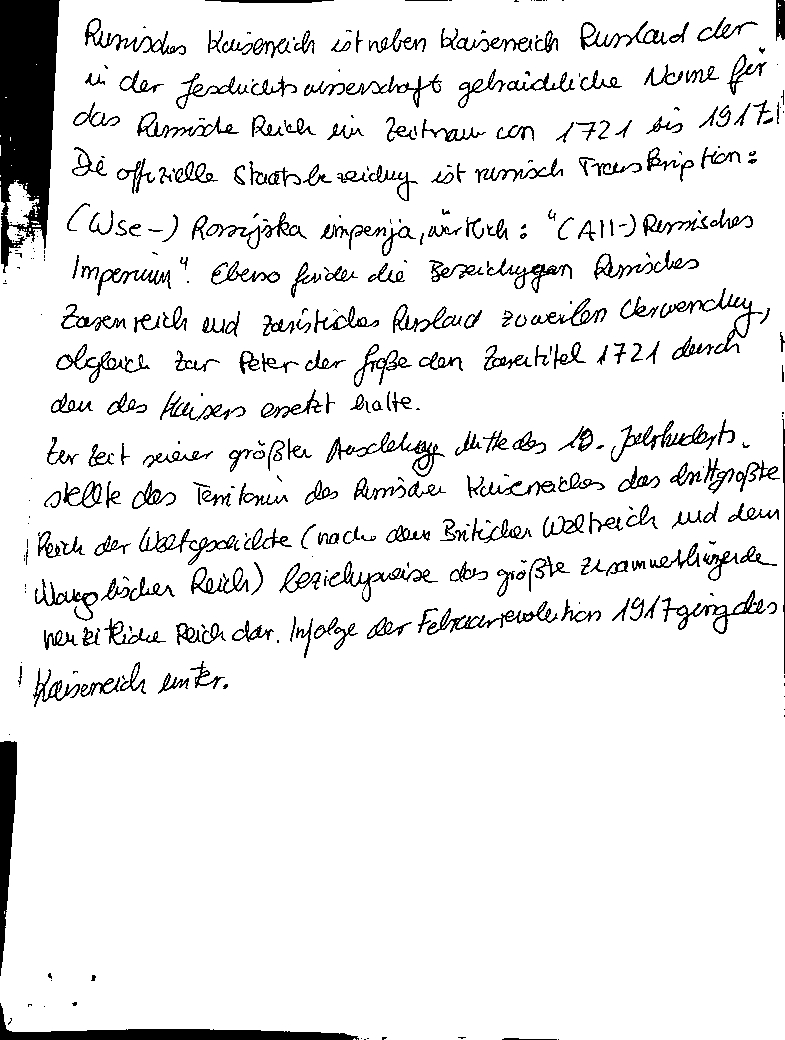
Russisches Kaiserreich ist neben Kaiserreich Russland der
in der Geschichtswissenschaft gebräuchliche Name für
das Russische Reich im Zeitraum von 1721 bis 1917.
Die offizielle Staatsbezeichnung ist russisch Transkription:
(Wse-)Rossijskaja imperija, wörtlich: "(All-)Russisches
Imperium". Ebenso finden die Bezeichnungen Russisches
Zarenreich und zaristisches Russland zuweilen Verwendung,
obgleich Zar Peter der Große den Zarentitel 1721 durch
den des Kaisers ersetzt hatte.
Zur Zeit seiner größten Ausdehnung Mitte des 19. Jahrhunderts
stellte das Territorium des Russischen Kaiserreichs das drittgrößte
Reich der Weltgeschichte (nach dem Britischen Weltreich und dem
Mongolischen Reich) beziehungsweise das größte zusammenhängende
neuzeitliche Reich dar. Infolge der Februarrevolution 1917 ging das
Kaiserreich unter.
